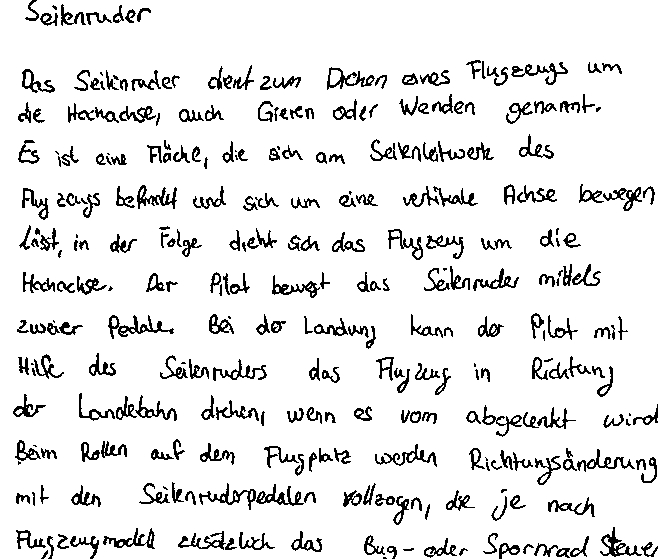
Seitenruder
Das Seitenruder dient zum Drehen eines Flugzeugs um
die Hochachse, auch Gieren oder Wenden genannt.
Es ist eine Fläche, die sich am Seitenleitwerk des
Flugzeugs befindet und sich um eine vertikale Achse bewegen
lässt, in der Folge dreht sich das Flugzeug um die
Hochachse. Der Pilot bewegt das Seitenruder mittels
zweier Pedale. Bei der Landung kann der Pilot mit
Hilfe des Seitenruders das Flugzeug in Richtung
der Landebahn drehen, wenn es vom Seitenwind abgelenkt wird.
Beim Rollen auf dem Flugplatz werden Richtungsänderung
mit den Seitenruderpedalen vollzogen, die je nach
Flugzeugmodell zusätzlich das Bug- oder Spornrad steuer
